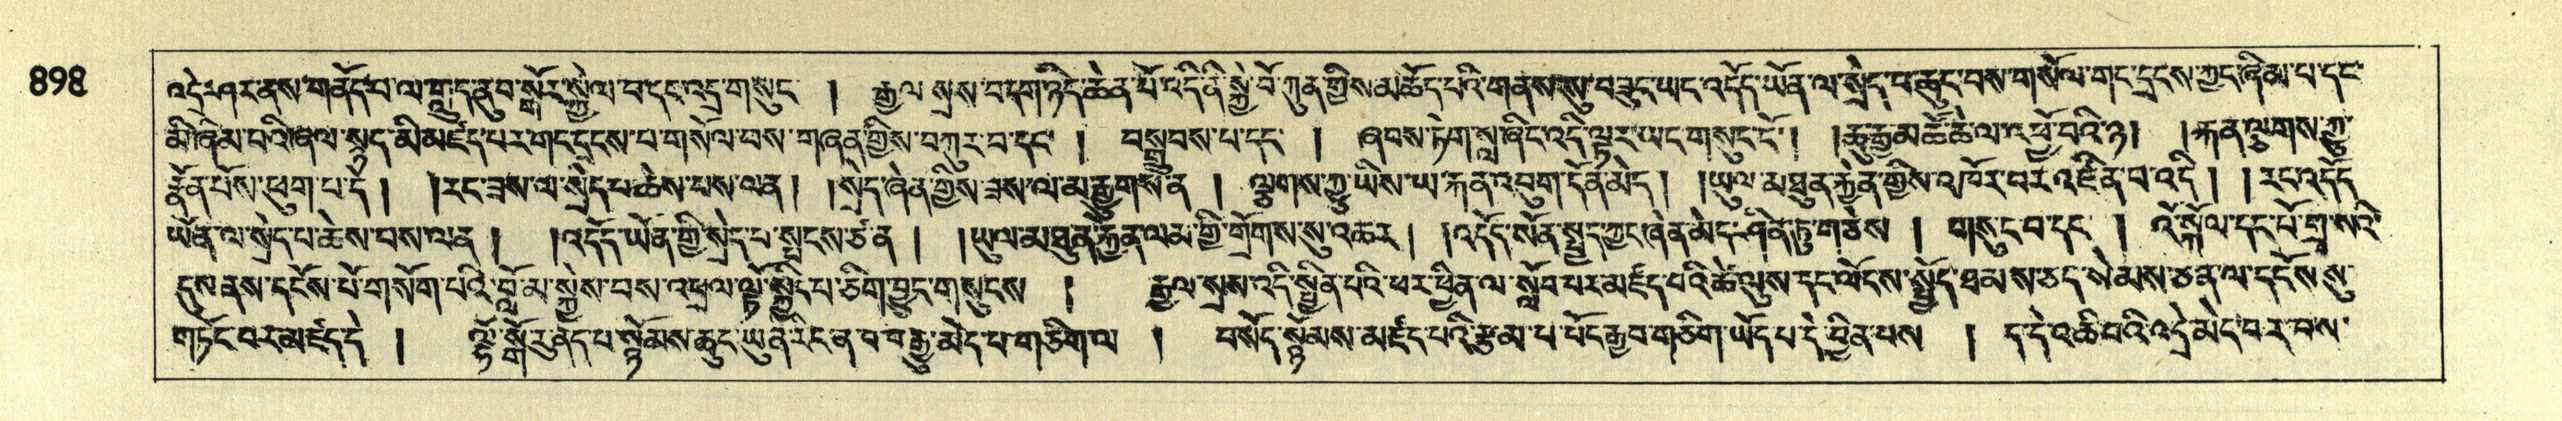འདྲེ་ཤར་ནས་གནོད་བ་ལ་གླུད་ནུབ་སྒོར་སྐྱེལ་བ་དང་འདྲ་གསུང་། རྒྱལ་སྲས་བདག་ཉིད་ཆེན་པོ་འདི་ནི་སྐྱེ་བོ་ཀུན་གྱིས་མཆོད་པའི་གནས་སུ་བཟུང་ཡང་འདོད་ཡོན་ལ་སྲེད་པ་ཆུང་བས་གསོལ་གང་དྲངས་ཀྱང་ཞིམ་པ་དང་
མི་ཞིམ་པའི་ཞལ་སྙད་མི་མཛད་པར་གང་དྲངས་པ་གསོལ་བས་གཞན་གྱིས་བཀུར་བ་དང་། བསྒྲུབས་པ་དང་། ཞབས་ཏེ་གསལ་ཞིང་འདི་ལྟར་ཡང་གསུང་ངོ། །ཆུ་རྒྱ་མཚོ་ཆེ་ལ་འཕྱོ་བའི་ཉ། །རྐན་ལྕགས་ཀྱུ་
རྣོན་པོས་ཕུག་པ་དེ། །རང་ཟས་ལ་སྲིད་པ་ཆེས་པས་ལན། །སྲེད་ཞེན་གྱིས་ཟས་ལ་མ་རྒྱུགས་ན། ལྕགས་ཀྱུ་ཡིས་ཡ་རྐན་འབུག་དོན་མེད། །ཡུལ་མཐུན་རྐྱེན་གྱིས་འཁོར་བར་འཛིན་བ་འདི། །རང་འདོད་
ཡོན་ལ་སྲེད་པ་ཆེས་བས་ལན། །འདོད་ཡོན་གྱི་སྲེད་པ་སྤངས་ཙ་ན། །ཡུལ་མཐུན་རྐྱེན་ལམ་གྱི་གྲོགས་སུ་འཆར། །འདོད་སོན་སྤྱད་ཀྱང་ཞེན་མེད་ཤིན་ཏུ་གཅེས། གསུང་བ་དང་། འོ་སྐོལ་དང་པོ་གྲྭ་སའི་
དུས་ནས་དངོས་པོ་གསོག་པའི་བློ་མ་སྐྱེས་པས་འཕྲལ་ལྟོ་སྐྱིད་པ་ཅིག་བྱུང་གསུངས། རྒྱལ་སྲས་འདི་སྤྱིན་པའི་ཕར་ཕྱིན་ལ་སློབ་པར་མཛད་བའི་ཚེ་ལུས་དང་ལོངས་སྤྱོད་ཐམས་ཅད་སེམས་ཅན་ལ་དངོས་སུ་
གཏོང་བར་མཛད་དེ། ལྷོ་སྒོ་རུ་ནད་པ་སྙོམས་ཆུང་ཡུན་རིང་ན་བ་བརྒྱུ་མེད་པ་གཅིག་ལ་།བསོད་སྙོམས་མཛད་པའི་རྩམ་པ་པོང་རྒྱབ་གཅིག་ཡོད་པ་དེ་བྱིན་པས་།ད་དེ་འཆི་བའི་འདྲེ་མེད་བར་བས་